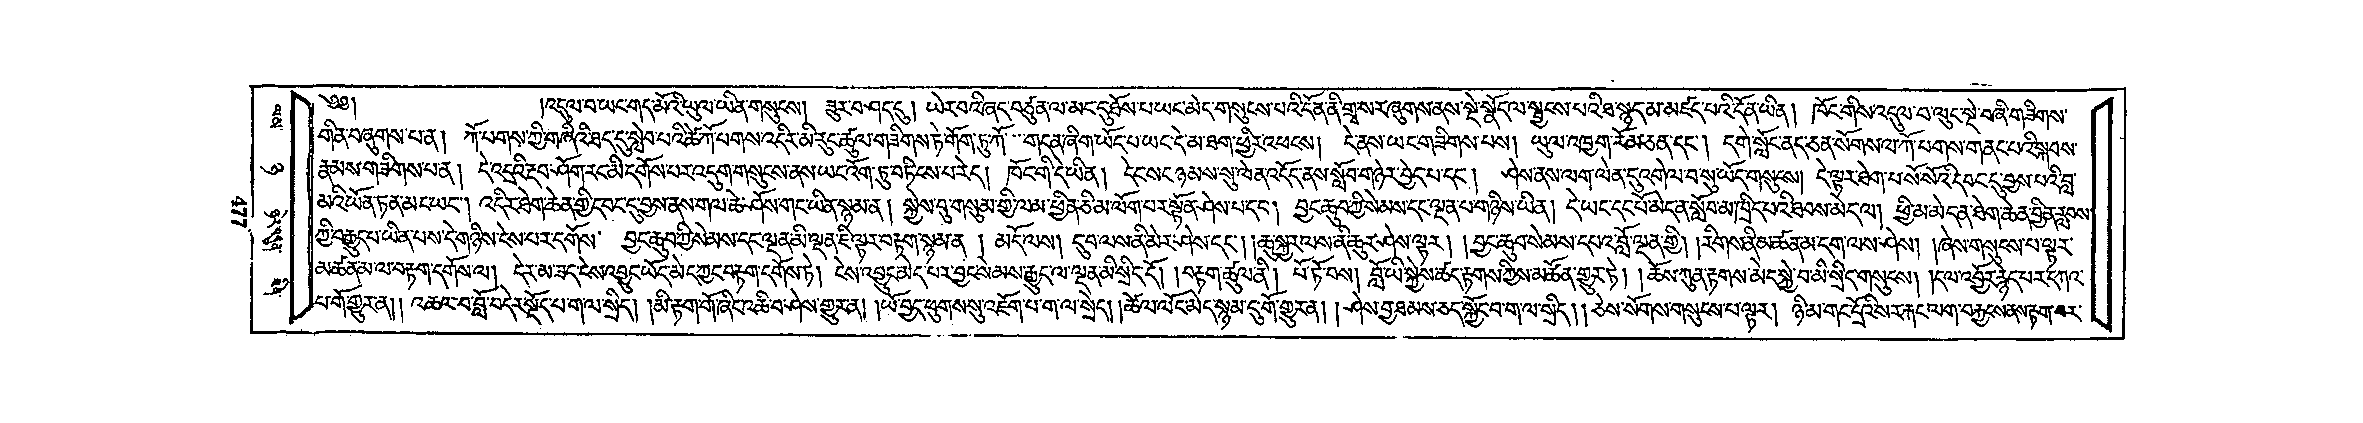༄༅། །འདུལ་བ་ཡང་གད་མོའི་ཡུལ་ཡིན་གསུངས། ཟུར་བཤད་དུ། ཡེར་བའི་ཞད་བཙུན་ལ་མང་དུ་ཐོས་པ་ཡང་མེད་གསུངས་པའི་དོན་ནི་གྲྭ་སར་ཞུགས་ནས་སྡེ་སྣོད་ལ་སྦྱངས་པའི་ཐ་སྙད་མ་མཛད་པའི་དོན་ཡིན། ཁོང་གིས་འདུལ་བ་ལུང་སྡེ་བཞི་གཟིགས་
གིན་བཞུགས་པ་ན། ཀོ་པགས་ཀྱི་གཞིའི་ཐད་དུ་སླེབ་པའི་ཚེ་ཀོ་པགས་འདིར་མི་རུང་ཚུལ་གཟིགས་ཏེ་གོག་ཏུ་ཀོ་གདན་ཞིག་ཡོད་པ་ཡང་དེ་མ་ཐག་ཕྱིར་འཕངས། དེ་ནས་ཡང་གཟིགས་པས། ཡུལ་འཁྱག་རོམ་ཅན་དང་། དགེ་སློང་ནད་ཅན་སོགས་ལ་ཀོ་པགས་གནང་པའི་སྐབས་
རྣམས་གཟིགས་པ་ན། དེ་འདྲའི་རྡབ་ཤོག་རང་མི་དགོས་པར་འདུག་གསུངས་ནས་ཡང་འོག་ཏུ་བཏིངས་པ་རེད། ཁོང་གི་དེ་ཡིན། དེང་སང་ཉམས་སུ་ལེན་འདོད་ནས་སློབ་གཉེར་བྱེད་པ་དང་། ཤེས་ནས་ལག་ལེན་དུ་འགེལ་བ་སུ་ཡོད་གསུངས། དེ་ལྟར་ཐེག་པ་སོ་སོའི་དབང་དུ་བྱས་པའི་བླ་
མའི་ཡོན་ཏན་མང་ཡང་། འདིར་ཐེག་ཆེན་གྱི་དབང་དུ་བྱས་ནས་གལ་ཆེ་ཤོས་གང་ཡིན་སྙམ་ན། སྐྱེས་བུ་གསུམ་གྱི་ལམ་ཕྱིན་ཅི་མ་ལོག་པར་སྟོན་ཤེས་པ་དང་། བྱང་ཆུབ་ཀྱི་སེམས་དང་ལྡན་པ་གཉིས་ཡིན། དེ་ཡང་དང་པོ་མེད་ན་སློབ་མ་ཁྲིད་པའི་ཐབས་མེད་ལ། ཕྱི་མ་མེད་ན་ཐེག་ཆེན་བྱིན་རླབས་
ཀྱི་བརྒྱུད་པ་ཡིན་པས་དེ་གཉིས་ངེས་པར་དགོས་བྱང་ཆུབ་ཀྱི་སེམས་དང་ལྡན་མི་ལྡན་ཇི་ལྟར་བརྟག་སྙམ་ན། མདོ་ལས། དུ་བ་ལས་ནི་མེར་ཤེས་དང་། །ཆུ་སྐྱར་ལས་ནི་ཆུར་ཤེས་ལྟར། །བྱང་ཆུབ་སེམས་དཔའ་བློ་ལྡན་གྱི། །རིགས་ནི་མཚན་མ་དག་ལས་ཤེས། །ཞེས་གསུངས་པ་ལྟར་
མཚན་མ་ལ་བརྟག་དགོས་ལ། དེར་མ་ཟད་ངེས་འབྱུང་ཡོད་མེད་ཀྱང་བརྟག་དགོས་ཏེ། ངེས་འབྱུང་མེད་པར་བྱང་སེམས་རྒྱུད་ལ་ལྡན་མི་སྲིད་དོ། །བརྟག་ཚུལ་ནི། པོ་ཏོ་བས། བློ་ཡི་སྐྱེས་ཚད་རྟགས་ཀྱིས་མཚོན་གྱུར་ཏེ། །ཆོས་ཀུན་རྟགས་མེད་སྐྱེ་བ་མི་སྲིད་གསུངས། །དལ་འབྱོར་རྙེད་པར་དཀའ་
པ་གོ་གྱུར་ན། །འཆའ་བ་བློ་བདེར་སྡོད་པ་ག་ལ་སྲིད། །མི་རྟག་གོ་ཞིང་འཆི་བ་ཤེས་གྱུར་ན། །ཡོ་བྱད་ཕུགས་སུ་འཇོག་པ་ག་ལ་སྲེད། །ཚེལ་ལོང་མེད་སྙམ་དུ་གོ་གྱུར་ན། །ཤེས་བྱ་ཐམས་ཅད་སྐྱོང་བ་ག་ལ་སྲིད། །ཅེས་སོགས་གསུངས་པ་ལྟར། ཉི་མ་གང་དྲོའི་སར་རྐང་ལག་བརྐྱངས་ནས་རྟག་པར་